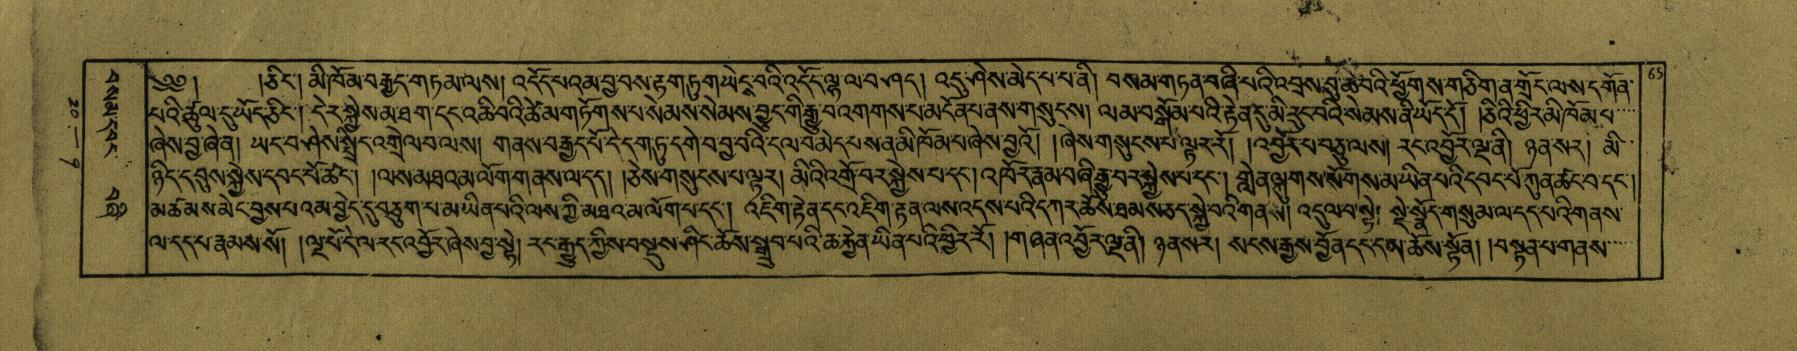༄༅། །ཅིང་། མི་ཁོམ་བརྒྱད་གཏམ་ལས། འདོད་པའམ་བྱ་བས་རྟག་ཏུ་གཡེངས་པའི་འདོད་ལྷ་ལ་བཤད། འདུ་ཤེས་མེད་པ་པ་ནི། བསམ་གཏན་བཞི་པའི་འབྲས་བུ་ཆེ་བའི་ཕྱོགས་གཅིག་ན་གྲོང་ལས་དགོན་
པའི་ཚུལ་དུ་ཡོད་ཅིང་། དེར་སྐྱེས་མ་ཐག་དང་འཆི་བའི་ཚེ་མ་གཏོགས་པ་སེམས་སེམས་བྱུང་གི་རྒྱུ་བ་འགགས་པ་མངོན་པ་ནས་གསུངས། ལམ་བསྒོམ་པའི་རྟེན་དུ་མི་རུང་བའི་སེམས་ནི་ཡོད་དོ། །ཅིའི་ཕྱིར་མི་ཁོམ་པ་
ཞེས་བྱ་ཞེ་ན། ཡང་བཤེས་སྤྲིང་འགྲེལ་བ་ལས། གནས་བརྒྱད་པོ་དེ་དག་ཏུ་དགེ་བ་བྱ་བའི་དལ་བ་མེད་པས་ན་མི་ཁོམ་པ་ཞེས་བྱའོ། །ཞེས་གསུངས་པ་ལྟར་རོ། །འབྱོར་བ་བཅུ་ལས། རང་འབྱོར་ལྔ་ནི། ཉན་སར། མི་
ཉིད་དབུས་སྐྱེས་དབང་པོ་ཚང་། །ལས་མཐའ་མ་ལོག་གནས་ལ་དད། །ཅེས་གསུངས་པ་ལྟར། མིའི་འགྲོ་བར་སྐྱེས་པ་དང་། འཁོར་རྣམ་བཞི་རྒྱུ་བར་སྐྱེས་པ་དང་། གླེན་ལྐུགས་སོགས་མ་ཡིན་པའི་དབང་པོ་ཀུན་ཚང་བ་དང་།
མཚམས་མེད་བྱས་པའམ་བྱེད་དུ་བཅུག་པ་མ་ཡིན་པའི་ལས་ཀྱི་མཐའ་མ་ལོག་པ་དང་། འཇིག་རྟེན་དང་འཇིག་རྟེན་ལས་འདས་པའི་དཀར་ཆོས་ཐམས་ཅད་སྐྱེ་བའི་གནས། འདུལ་བ་སྟེ། སྡེ་སྣོད་གསུམ་ལ་དད་པའི་གནས་
ལ་དད་པ་རྣམས་སོ། །ལྔ་པོ་དེ་ལ་རང་འབྱོར་ཞེས་བྱ་སྟེ། རང་རྒྱུད་ཀྱིས་བསྡུས་ཤིང་ཆོས་སྒྲུབ་པའི་ཆ་རྐྱེན་ཡིན་པའི་ཕྱིར་རོ། །གཞན་འབྱོར་ལྔ་ནི། ཉན་སར། སངས་རྒྱས་བྱོན་དང་དམ་ཆོས་སྟོན། །བསྟན་པ་གནས་